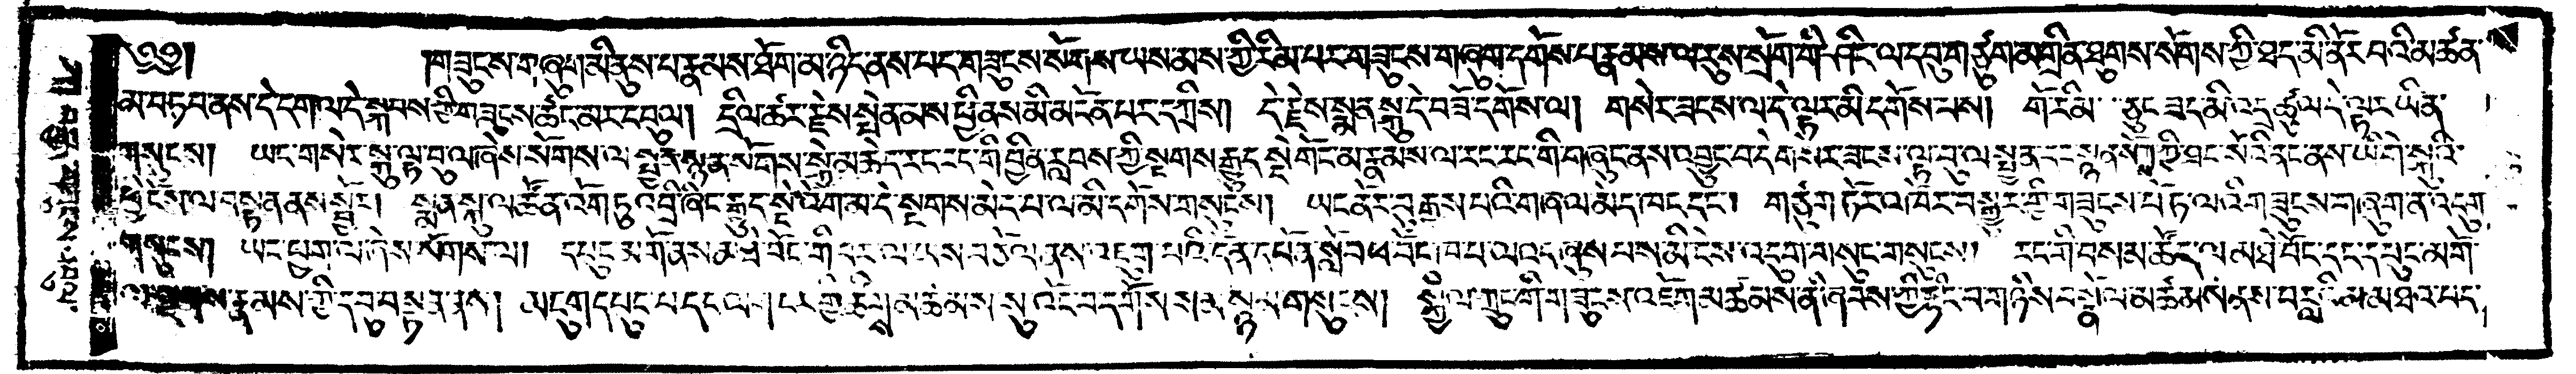༄༅། །གཟུངས་གཞུག་མི་ནུས་པ་རྣམས་ཐོག་མ་ཉིད་ནས་པད་གཟུངས་སོགས་ཡས་མས་ཀྱི་རིམ་པར་གཟུངས་གཞུག་དགོས་པ་རྣམས་ལ་དུས་སྲོག་གི་ཤིང་ལ་དབུ་གཙུག་མགྲིན་ཐབས་སོགས་ཀྱི་ཐད་མི་ནོར་བའི་མཚན་
མ་བཏབ་ནས་དེ་དག་ལ་དེ་སྐབས་ཀྱི་གཟུངས་ཚང་མར་དབུལ། དྲིལ་ཚར་རྗེས་སྤེན་མས་ཕྱི་ནས་མི་མངོན་པར་དཀྲིས། དེ་རྗེས་སྨན་སྐུ་དེ་བཟོ་དགོས་ལ། གཟེར་ཟངས་ལ་དེ་ལྟར་མི་དགོས་པས། གོ་རིམ་ཅུང་ཟད་མི་འདྲ་ཚུལ་དེ་ལྟར་ཡིན་
གསུངས། ཡང་གསེར་སྐུ་ལྟ་བུ་ལ་ཞེས་སོགས་ལ་སྤྱན་སྙན་སོགས་སྐྱེ་མཆེད་རང་རང་གི་བྱིན་རླབས་ཀྱི་སྔགས་རྒྱུད་སྡེ་གོང་མ་རྣམས་ལ་རང་རང་གི་བཞུང་ནས་འབྱུང་བ་དེ་གསེར་ཟངས་ལྟ་བུ་ལ་སྤྱན་དང་སྙན་སོགས་ཀྱི་ཐང་སོའི་ནང་ནས་ཡི་གེ་སྐུའི་
ཕྱི་ངོས་ལ་བསྟན་ནས་སྦྱོར། སྨན་སྐུ་ལ་ཚོན་འོག་ཏུ་འབྲི་ཞིང་རྒྱུད་སྡེ་འོག་མ་དེ་སྔགས་མེད་པ་ལ་མི་དགོས་གསུངས། ཡང་ནོར་བུ་རྒྱས་པའི་གཞལ་མེད་ཁང་དང་། གཙུག་ཏོར་འཁོར་བསྒྱུར་གྱི་གཟུངས་པོ་ཏ་ལའི་གཟུངས་གཞུག་ན་འདུག་
གསུངས། ཡང་ཕྱག་ལ་ཞེས་སོགས་ལ། དཔུང་མགོ་ནས་མཐེ་བོང་གི་དུར་ལ་ཡས་བཅོལ་ནས་འཇུག་པའི་དོན་དཔོན་སློབ་ཕ་བོང་ཁ་པ་ལའང་ཞུས་བས་མི་ངེས་འདུག་གསུང་གསུངས། རང་གི་བསམ་ཚེད་ལ་མཐོ་བོང་དང་དཔུང་མགོ་
ལ་སྔགས་རྣམས་ཀྱི་དབུ་བསྟན་ནས། མཇུག་དཔུང་པ་དང་ལག་ངར་གྱི་ཚིགས་མཚམས་སུ་འོང་བ་དགོས་སམ་སྙམ་གསུངས། སྐྱིལ་ཀྲུང་གི་གཟུངས་འཇོག་མཚམས་ནི་ཞབས་ཀྱི་རྟིང་བ་གཉིས་བསྣོལ་མཚམས་ནས་བརླའི་མ་མཐའ་པད་